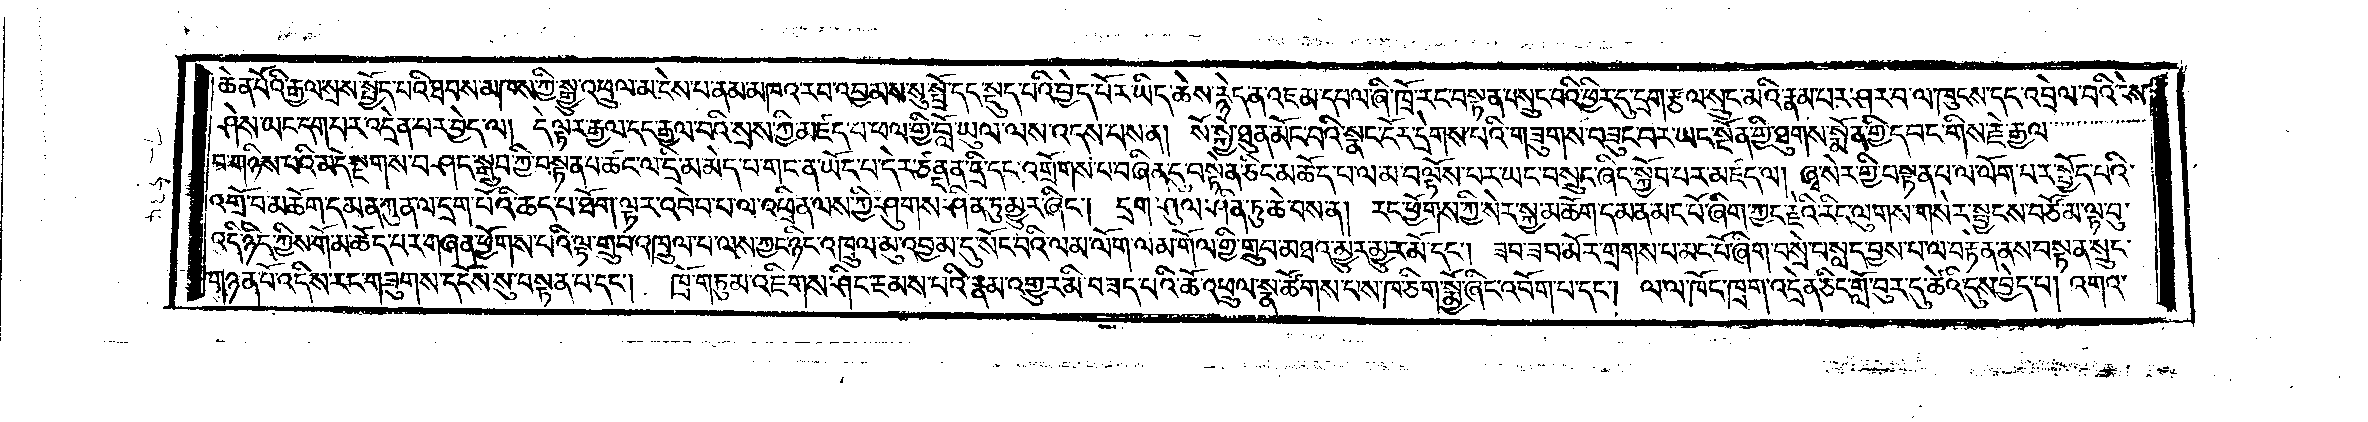ཆེན་པོའི་རྒྱལ་སྲས་སྤྱོད་པའི་ཐབས་མཁས་ཀྱི་སྒྱུ་འཕྲུལ་མ་ངེས་པ་ནམ་མཁའ་རབ་འབྱམས་སུ་སྤྲོ་དང་སྡུད་པའི་བྱེད་པོར་ཡིད་ཆེས་རྙེད་ན་འཇམ་དཔལ་ཞི་ཁྲོ་རང་བསྟན་བསྲུང་པའི་ཕྱིར་དུ་དྲག་རྩལ་སྲུང་མའི་རྣམ་པར་ཤར་བ་ལ་ཁུངས་དང་འབྲེལ་བའི་ངེས་
ཤེས་ཡང་དག་པར་འདྲེན་པར་བྱེད་ལ། དེ་ལྟར་རྒྱལ་དང་རྒྱལ་བའི་སྲས་ཀྱི་མཛད་པ་ཕལ་གྱི་བློ་ཡུལ་ལས་འདས་པས་ན། སོ་སྐྱེ་ཐུན་མོང་བའི་སྣང་ངོར་དྲེགས་པའི་གཟུགས་བཟུང་བར་ཡང་སྔོན་གྱི་ཐུགས་སྨོན་གྱི་དབང་གིས་རྗེ་རྒྱལ་
པ་གཉིས་པའི་མདོ་སྔགས་བཤད་སྒྲུབ་ཀྱི་བསྟན་པ་ཚང་ལ་དྲི་མ་མེད་པ་གང་ན་ཡོད་པ་དེར་ཙནྡན་དྲི་དང་འགྲོགས་པ་བཞིན་དུ་བསྟེན་ཅིང་མཆོད་པ་ལ་མ་བལྟོས་པར་ཡང་བསྲུང་ཞིང་སྐྱོབ་པར་མཛད་ལ། ཞྭ་སེར་གྱི་བསྟན་པ་ལ་ལོག་པར་སྤྱོད་པའི་
འགྲོ་བ་མཆོག་དམན་ཀུན་ལ་དྲག་པོའི་ཆད་པ་ཐོག་ལྟར་འབེབ་པ་ལ་འཕྲིན་ལས་ཀྱི་ཤུགས་ཤིན་ཏུ་མྱུར་ཞིང་། དྲག་ཤུལ་ཤིན་ཏུ་ཆེ་བས་ན། རང་ཕྱོགས་ཀྱི་སེར་སྐྱ་མཆོག་དམན་མང་པོ་ཞིག་ཀྱང་རྗེའི་རིང་ལུགས་གསེར་སྦྱངས་བཙོམ་ལྟ་བུ་
འདི་ཉིད་ཀྱིས་གོ་མཆོད་པར་གཞན་ཕྱོགས་པའི་ལྟ་གྲུབ་འཁྲུལ་པ་ལས་ཀྱང་ཉིད་འཁྲུལ་མུ་འབྱམ་དུ་སོང་བའི་ལམ་ལོག་ལམ་གོལ་གྱི་གྲུབ་མཐའ་མྱུར་མྱུར་མོ་དང་། ཟབ་ཟབ་མོར་གྲགས་པ་མང་པོ་ཞིག་བསྲེ་བསླད་བྱས་པ་ལ་བརྟེན་ནས་བསྟན་སྲུང་
གཉན་པོ་འདིས་རང་གཟུགས་དངོས་སུ་བསྟན་པ་དང་། ཁྲོ་གཏུམ་འཇིགས་ཤིང་རྔམས་པའི་རྣམ་འགྱུར་མི་བཟད་པའི་ཆོ་འཕྲུལ་སྣ་ཚོགས་པས་ཁ་ཅིག་སྨྱོ་ཞིང་འཕོག་པ་དང་། ལ་ལ་ཁོང་ཁྲག་འདྲེན་ཅིང་གློ་བུར་དུ་ཚེའི་དུས་བྱེད་པ། འགའ་